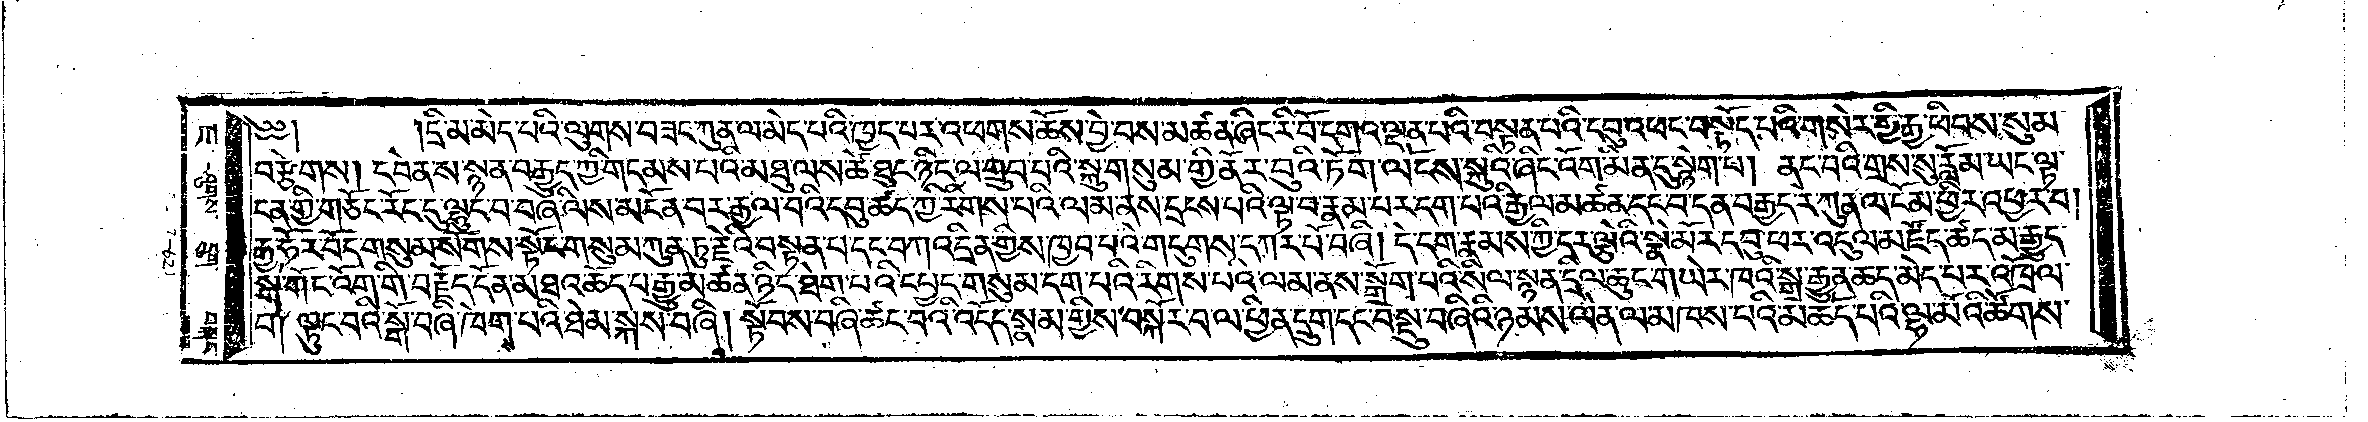༄༅། །དྲི་མ་མེད་པའི་ལུགས་བཟང་ཀུན་ལ་མེད་པའི་ཁྱད་པར་འཕགས་ཆོས་བྱེ་བས་མཚན་ཞིང་རི་བོ་དགའ་ལྡན་པའི་བསྟན་པའི་དབུ་འཕང་བསྟོད་པའི་གསེར་གྱི་རྒྱ་ཕིབས་སུམ་
བརྩེགས། དབེན་ས་སྙན་བརྒྱུད་ཀྱི་གདམས་པའི་མཐུ་ལས་ཚེ་ཐུང་ཉིད་ལ་གྲུབ་པའི་སྐུ་གསུམ་གྱི་ནོར་བུའི་ཏོག་ལོངས་སྐུའི་ཞིང་འོག་མིན་དུ་སྙེག་པ། ནང་བའི་གྲས་སུ་རློམ་ཡང་ལྟ་
ངན་གྱི་གཅོད་རོང་དུ་ལྷུང་བ་བཞི་ལས་མངོན་པར་རྒྱལ་བའི་དབུ་ཚད་ཀྱི་རིགས་པའི་ལམ་ནས་དྲངས་པའི་ལྟ་བ་རྣམ་པར་དག་པའི་རྒྱལ་མཚན་དང་བདེན་བརྒྱད་རེ་ཀུན་ལ་དོམ་ཕྱིར་འཕྱར་བ།
རྒྱ་ཧོར་བོད་གསུམ་སོགས་སྟོང་གསུམ་ཀུན་ཏུ་རྗེའི་བསྟན་པ་དང་བཀའ་དྲིན་གྱིས་ཁྱབ་པའི་གདུགས་དཀར་པོ་བཞི། དེ་དག་རྣམས་ཀྱི་དར་ལྕེའི་སྣེ་མོར་དབུ་ཕར་འདུལ་མཛོད་ཚད་མ་རྒྱུད་
སྔ་གོང་འོག་གི་བརྗོད་དོན་མཐའ་ཆོས་པ་རྒྱུ་མཚན་ཉིད་ཐེག་པའི་དཔྱད་གསུམ་དག་པའི་རིགས་པའི་ལམ་ནས་སྒྲོག་པའི་སིལ་སྙན་དྲིལ་ཆུང་གཡེར་ཁའི་སྒྲ་རྒྱུན་ཆད་མེད་པར་འཁྲོལ་
བ༑ ལྟུང་བའི་སྒོ་བཞི་ཁེགས་པའི་ཐེམ་སྐས་བཞི། སྟོབས་བཞི་ཚང་བའི་འདོད་སྣམ་གྱིས་བསྐོར་བ་ལ་ཕྱིན་དྲུག་དང་བསྡུ་བཞིའི་ཉམས་ལེན་ལ་མཁས་པའི་མཆོད་པའི་ལྷ་མོའི་ཚོགས་